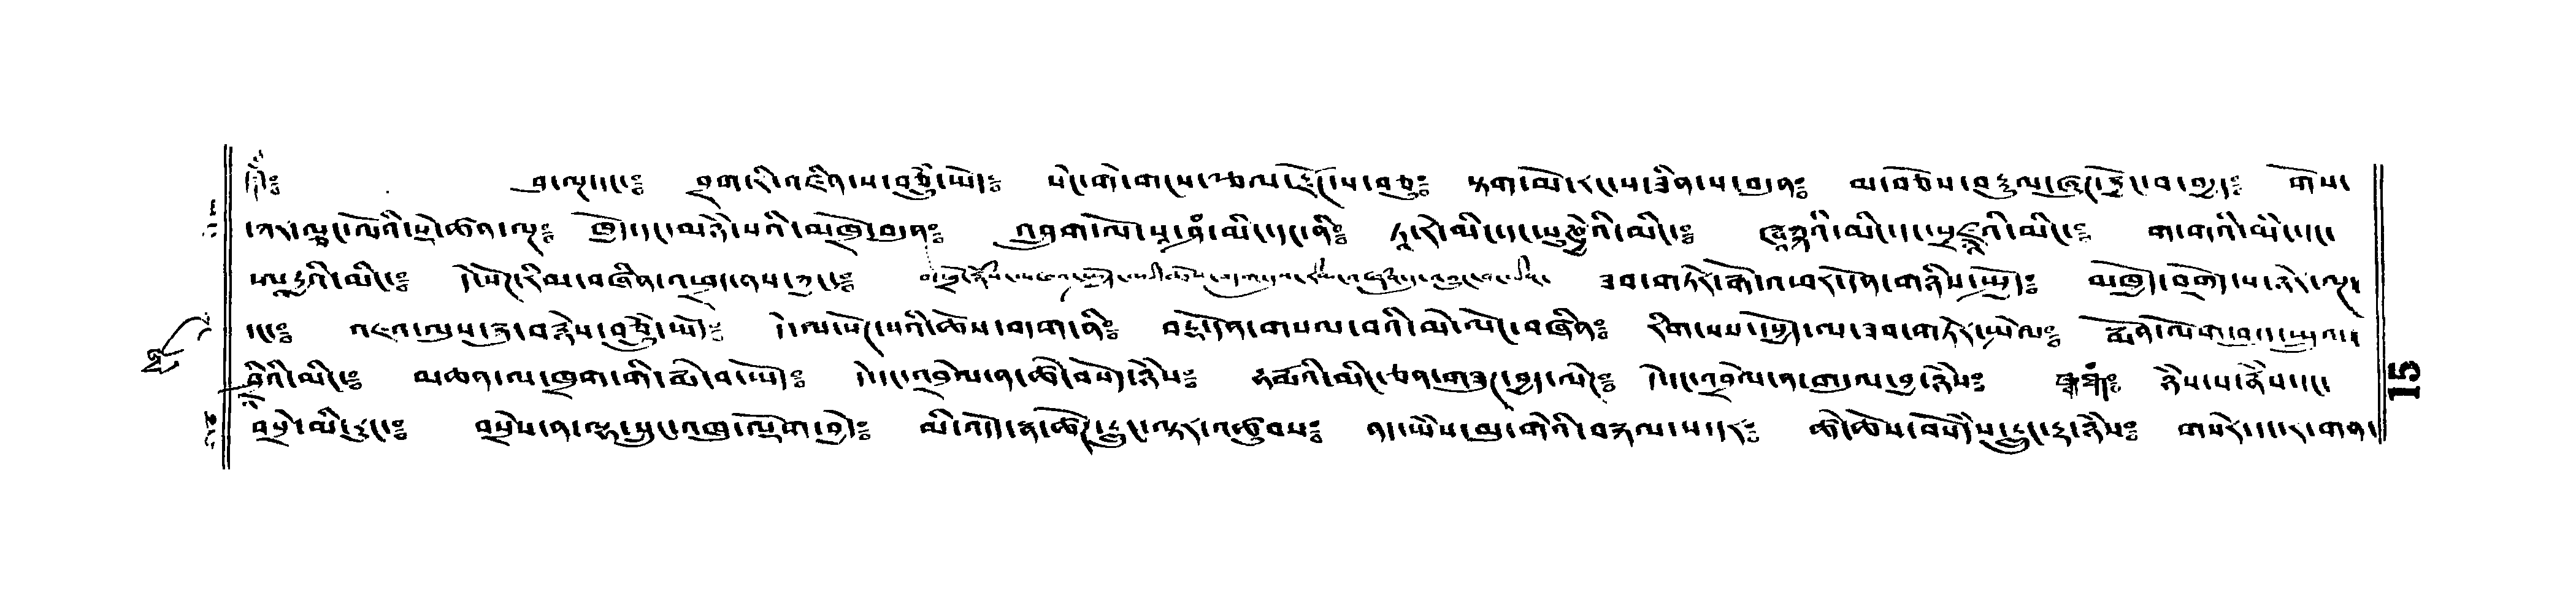བུ་ལྔ་དང༔ བྲག་རི་འཛིན་པ་བཅུ་གསུམ་ཡོད༔ སེང་གེ་གངས་རྩལ་རྫོགས་པ་བཅུ༔ སྟག་མོ་རང་ས་ཟིན་པ་བདུན༔ མ་བཅོས་བརྟུལ་ཞུགས་སྐྱོང་བ་བརྒྱད༔ གོས་
དཀར་ལྕང་ལོའི་སྡེ་ཚན་ལྔ༔ ཁྱོད་དང་མཉམ་པའི་མཁའ་འགྲོ་བདུན༔ འབྲུག་ལོ་པཱ་ཤཾ་མིང་དང་ནི༔ ཏཱ་རེ་མིང་དང་པུཎྱེའི་མིང༔ ཝཱཀྐའི་མིང་དང་པྲཛྙཱའི་མིང༔ ག་གའི་མིང་དང་
ཨཱརྻའི་མིང༔ དེ་སོགས་རིམ་བཞིན་འཕྲད་ནས་ཀྱང༔ ཟབ་གཏེར་སྒོ་འཕར་དོན་གཉིས་སྤྱོད༔ མཁའ་སྤྱོད་བགྲོད་པ་ཉེར་ལྔ་
དང༔ འཇའ་ལུས་སྐུ་བརྙེས་བཅུ་གསུམ་ཡོད༔ དེ་ལ་སོགས་པའི་ཆོས་བདག་ནི༔ བརྡ་དོན་གསལ་བའི་མེ་ལོང་བཞིན༔ རིག་པས་དཔྱོད་ལ་ཟབ་གཏེར་སྤེལ༔ སྨོན་ལོག་བདུད་སྤྲུལ་
ཤྲཱིའི་མིང༔ མཆན་ལ་ཁྲག་གི་སྨེ་བ་ཡོད༔ དེ་དང་འབྲེལ་ན་ཚེ་བསོད་ཉམས༔ དྷརྨའི་མིང་ཅན་གཟུགས་བྱད་ལེགས༔ དེ་དང་འབྲེལ་ན་གདུལ་བྱ་ཉམས༔ (Dakཉམས་པ་རྣམས་དང་
བསྲེ་མི་རུང༔ བསྲེས་ན་ལྷ་སྲུང་འཁུ་ལྡོག་བྱེད༔ མི་འདོད་སྣ་ཚོགས་རླུང་ལྟར་འཚུབ༔ ནད་ཡམས་མུ་གེའི་བསྐལ་པ་དར༔ ཚེ་ཆོས་བསོད་ནམས་རླུང་རྟ་ཉམས༔ གསེར་དང་ར་གན་